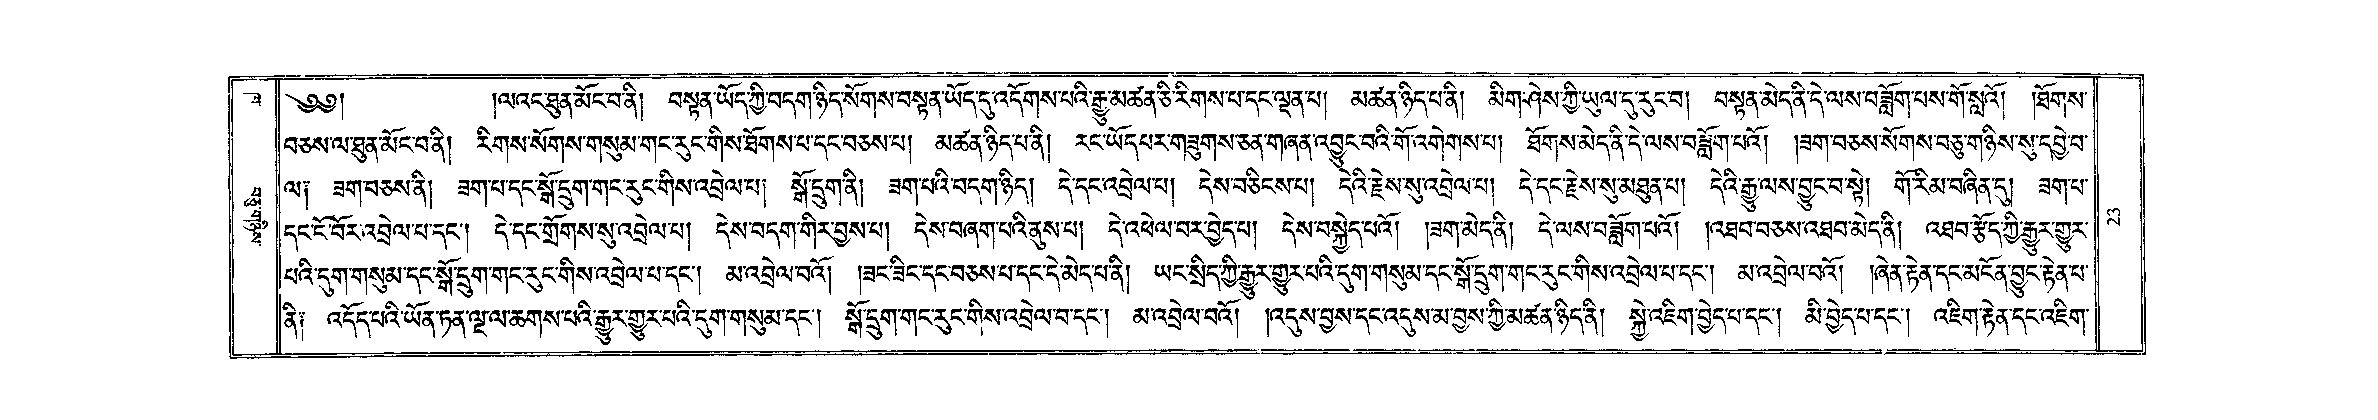༄༅། །ལའང་ཐུན་མོང་བ་ནི། བསྟན་ཡོད་ཀྱི་བདག་ཉིད་སོགས་བསྟན་ཡོད་དུ་འདོགས་པའི་རྒྱུ་མཚན་ཅི་རིགས་པ་དང་ལྡན་པ། མཚན་ཉིད་པ་ནི། མིག་ཤེས་ཀྱི་ཡུལ་དུ་རུང་བ། བསྟན་མེད་ནི་དེ་ལས་བཟློག་པས་གོ་སླའོ། །ཐོགས་
བཅས་ལ་ཐུན་མོང་བ་ནི། རིགས་སོགས་གསུམ་གང་རུང་གིས་ཐོགས་པ་དང་བཅས་པ། མཚན་ཉིད་པ་ནི། རང་ཡོད་པར་གཟུགས་ཅན་གཞན་འབྱུང་བའི་གོ་འགེགས་པ། ཐོགས་མེད་ནི་དེ་ལས་བཟློག་པའོ། །ཟག་བཅས་སོགས་བཅུ་གཉིས་སུ་དབྱེ་བ་
ལ༑ ཟག་བཅས་ནི། ཟག་པ་དང་སྒོ་དྲུག་གང་རུང་གིས་འབྲེལ་པ། སྒོ་དྲུག་ནི། ཟག་པའི་བདག་ཉིད། དེ་དང་འབྲེལ་པ། དེས་བཅིངས་པ། དེའི་རྗེས་སུ་འབྲེལ་བ། དེ་དང་རྗེས་སུ་མཐུན་པ། དེའི་རྒྱུ་ལས་བྱུང་བ་སྟེ། གོ་རིམ་བཞིན་དུ། ཟག་པ་
དང་ངོ་བོར་འབྲེལ་པ་དང་། དེ་དང་གྲོགས་སུ་འབྲེལ་པ། དེས་བདག་གིར་བྱས་པ། དེས་བཞག་པའི་ནུས་པ། དེ་འཕེལ་བར་བྱེད་པ། དེས་བསྐྱེད་པའོ། །ཟག་མེད་ནི། དེ་ལས་བཟློག་པའོ། །འཐབ་བཅས་འཐབ་མེད་ནི། འཐབ་རྩོད་ཀྱི་རྒྱུར་གྱུར་
པའི་དུག་གསུམ་དང་སྒོ་དྲུག་གང་རུང་གིས་འབྲེལ་པ་དང་། མ་འབྲེལ་བའོ། །ཟང་ཟིང་དང་བཅས་པ་དང་དེ་མེད་པ་ནི། ཡང་སྲིད་ཀྱི་རྒྱུར་གྱུར་པའི་དུག་གསུམ་དང་སྒོ་དྲུག་གང་རུང་གིས་འབྲེལ་པ་དང་། མ་འབྲེལ་བའོ། །ཞེན་རྟེན་དང་མངོན་བྱུང་རྟེན་པ་
ནི༑ འདོད་པའི་ཡོན་ཏན་ལྔ་ལ་ཆགས་པའི་རྒྱུར་གྱུར་པའི་དུག་གསུམ་དང་། སྒོ་དྲུག་གང་རུང་གིས་འབྲེལ་བ་དང་། མ་འབྲེལ་བའོ། །འདུས་བྱས་དང་འདུས་མ་བྱས་ཀྱི་མཚན་ཉིད་ནི། སྐྱེ་འཇིག་བྱེད་པ་དང་། མི་བྱེད་པ་དང་། འཇིག་རྟེན་དང་འཇིག་